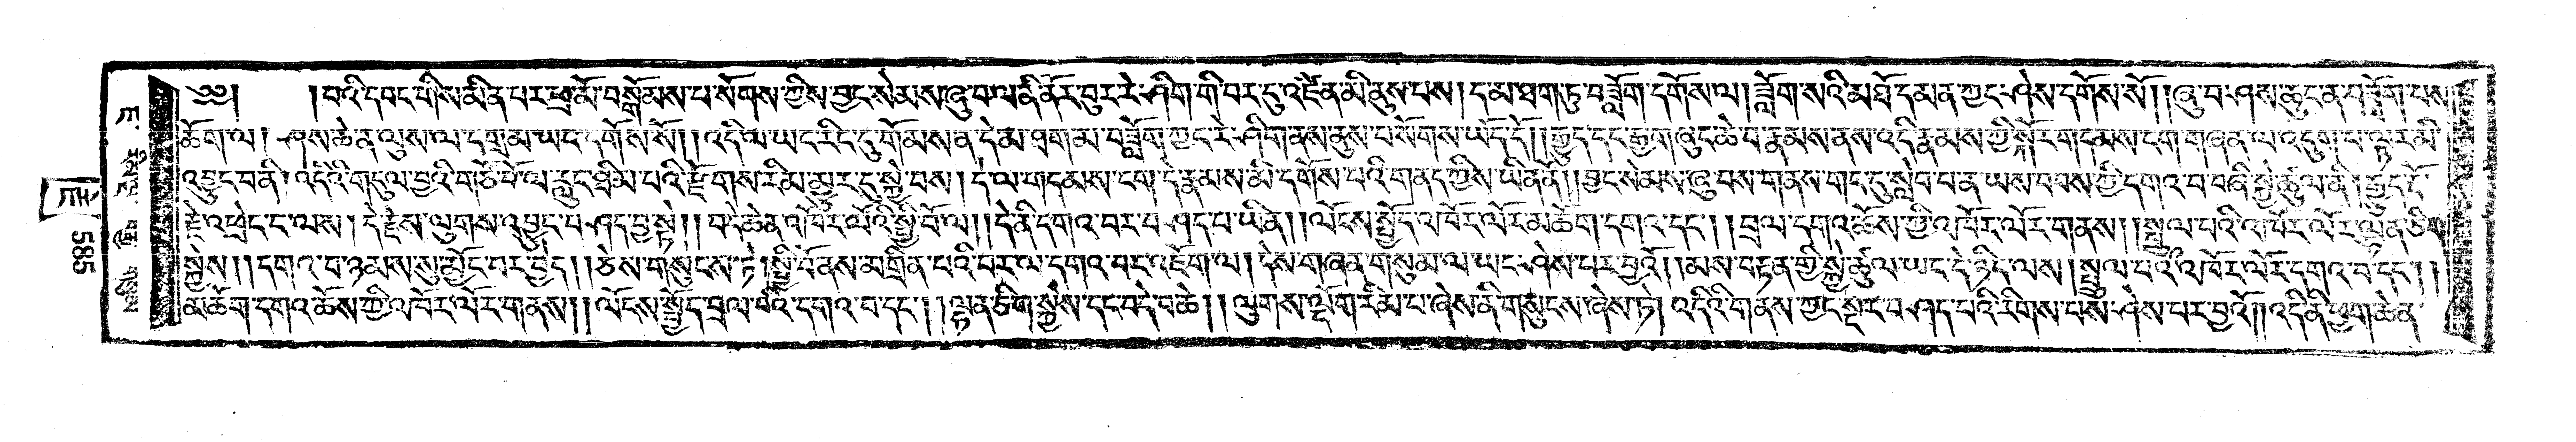༄༅། །པའི་དབང་གིས་མིན་པར་ཕྲ་མོ་བསྒོམས་པ་སོགས་ཀྱིས་བྱང་སེམས་ཞུ་བ་ལ་ནི་ནོར་བུར་རེ་ཤིག་གི་བར་དུ་འཛིན་མི་ནུས་པས། དེ་མ་ཐག་ཏུ་བཟློག་དགོས་ལ། ཟློག་སའི་མཐོ་དམན་ཀྱང་ཤེས་དགོས་སོ། །ཞུ་བ་ཤས་ཆུང་ན་བཟློག་པས་
ཆོག་ལ། ཤས་ཆེ་ན་ལུས་ལ་དགྲམ་ཡང་དགོས་སོ། །འདི་ལ་ཡང་རིང་དུ་གོམས་ན་དེ་མ་ཐག་མ་བཟློག་ཀྱང་རེ་ཤིག་ནས་ནུས་པ་སོགས་ཡོད་དོ། །རྒྱུད་དང་རྒྱ་གཞུང་ཆེ་བ་རྣམས་ནས་འདི་རྣམས་ཀྱི་སྐོར་གདམས་ངག་གཞན་ལ་འདུག་པ་ལྟར་མི་
འབྱུང་བ་ནི། འདིའི་གདུལ་བྱའི་གཙོ་བོ་ལ་རླུང་ཐིམ་པའི་རྫོགས་རིམ་མྱུར་དུ་སྐྱེ་བས། དེ་ལ་གདམས་ངག་དེ་རྣམས་མི་དགོས་པའི་གནད་ཀྱིས་ཡིན་ནོ། །བྱང་སེམས་ཞུ་བས་གནས་གང་དུ་སླེབ་པ་ན་ཡས་བབས་ཀྱི་དགའ་བ་བཞི་སྐྱེ་ཚུལ་ནི། རྒྱུད་རྡོ་
རྗེ་འཕྲེང་ང་ལས། དེ་རྗེས་ལུགས་འབྱུང་བཤད་བྱ་སྟེ། །བདེ་ཆེན་འཁོར་ལོའི་སྤྱི་བོ་ལ། །དེ་ནི་དགའ་བར་བཤད་པ་ཡིན། །ལོངས་སྤྱོད་འཁོར་ལོར་མཆོག་དགའ་དང་། །བྲལ་དགའ་ཆོས་ཀྱི་འཁོར་ལོར་གནས། །སྤྲུལ་པའི་འཁོར་ལོར་ལྷན་ཅིག་
སྐྱེས། །དགའ་བ་ཉམས་སུ་མྱོང་བར་བྱེད། །ཅེས་གསུངས་ཏེ། སྤྱི་བོ་ནས་མགྲིན་པའི་བར་ལེ་དགའ་བར་འཇོག་ལ། དེས་གཞན་གསུམ་ལ་ཡང་ཤེས་པར་བྱའོ། །མས་བརྟན་གྱི་སྐྱེ་ཚུལ་ཡང་དེ་ཉིད་ལས། སྤྲུལ་པའི་འཁོར་ལོར་དགའ་བ་དང་། །
མཆོག་དགའ་ཆོས་ཀྱི་འཁོར་ལོར་གནས། །ལོངས་སྤྱོད་བྲལ་བའི་དགའ་བ་དང་། །ལྷན་ཅིག་སྐྱེས་དང་བདེ་བ་ཆེ། །ལུགས་ལྡོག་རིམ་པ་ཞེས་ནི་གསུངས་ཞེས་ཏེ། འདིའི་གནས་ཀྱང་སྔར་བཤད་པའི་རིགས་པས་ཤེས་པར་བྱའོ། །འདི་ནི་ཕྱག་ཆེན་